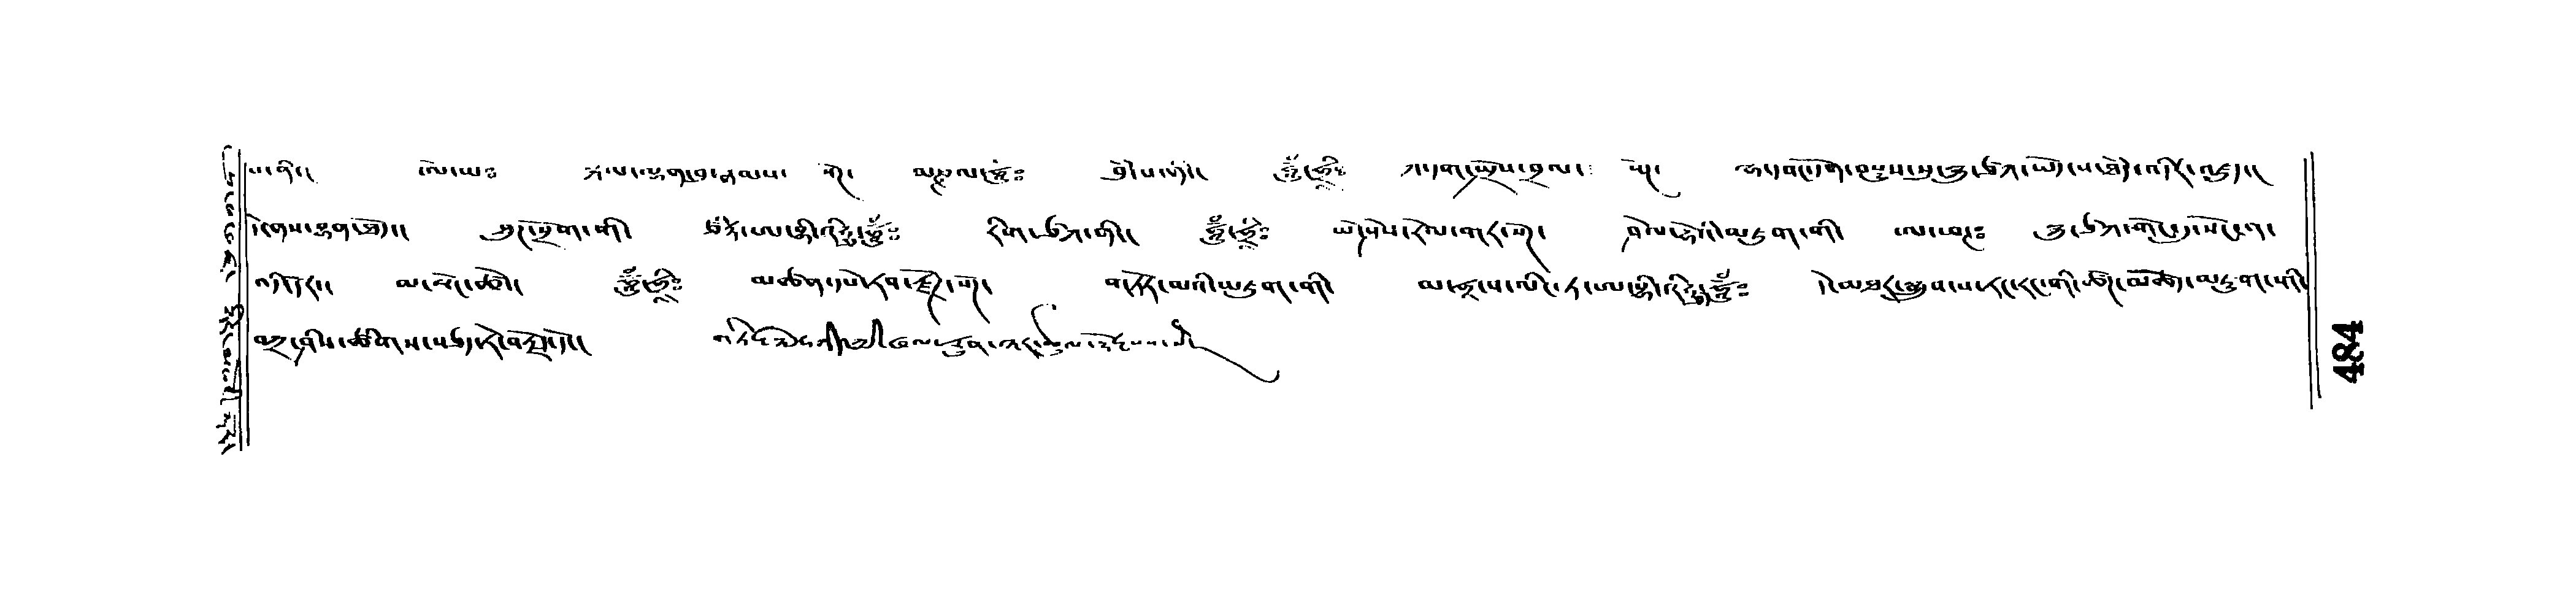པ་ནི། ཨེ་མ༔ སྐལ་ལྡན་བུ་རྣམས་སོགས། མཎྜཱལ་ཧཱུྃཿ བུམ་པ་ནི། ཧཱུྃ་ཧྲཱིཿ ཀ་དག་སྤྲོས་བྲལ་སོགས། ལྷ་དབང་དོན་བསྡུས་སུ་སྐུ་ཙཀ་ཡོད་པ་ཐམས་ཅད་འདིར་འཛུད། 
དེ་ནས་བྷན་ཐོད། ཐུགས་སྲོག་གི ཙིཏྟ་ཨ་བྷི་ཁིཉྩ་ཧཱུྃ༔ རིག་ཙཀ་ནི། ཧཱུྃ་ཧྲཱིཿ ཡེ་ཤེས་རོལ་གར་སོགས། ཤེལ་རྡོའི་མཇུག་གི ཨ་ཕཊཿ སྐུ་ཙཀ་གོང་དུ་སོང་ན་
འདི་དོར། མ་སོང་ཚེ། ཧཱུྃ་ཧྲཱིཿ མཚན་དཔེ་རབ་རྫོགས་སོགས། གཏོར་མའི་མཇུག་གི མ་ཧཱ་བ་ལིངྟ་ཨ་བྷི་ཁིཉྩ་ཧཱུྃ༔ དེ་མཐར་སྒྲུབ་པ་རང་རང་གི་ཚོགས་མཆོད་མཇུག་གི་
བཀྲ་ཤིས་ཚིགས་བཅད་རེ་བརྗོད་དོ།གཏེར་སྟོན་ཉིད་ཀྱི་ཞལ་རྒྱུན་ལྟར་ཚུལ་རྡོར་པས་སོ།།